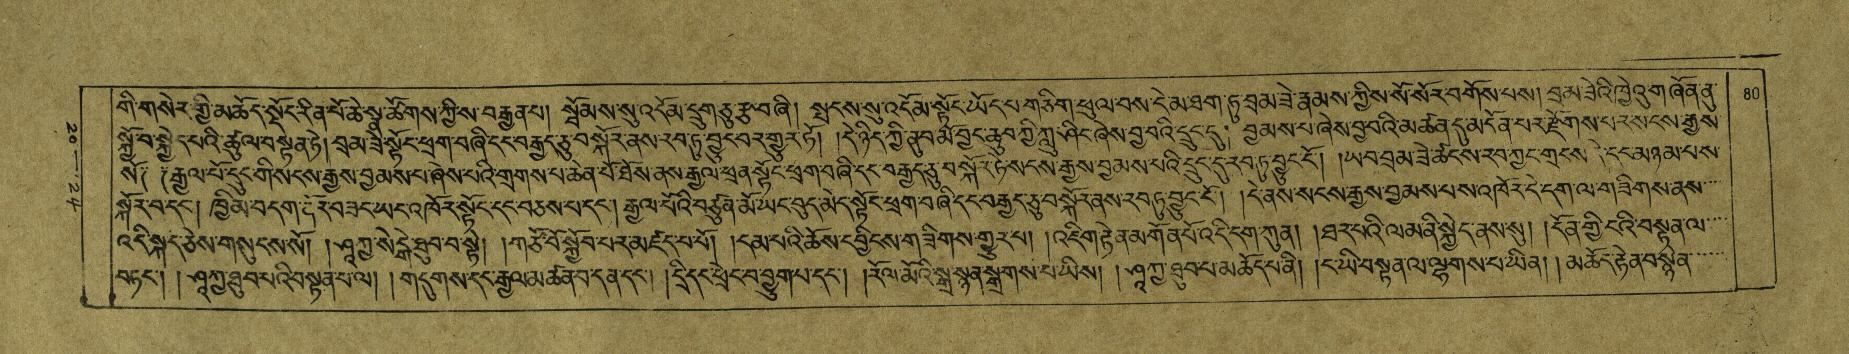གི་གསེར་གྱི་མཆོད་སྡོང་རིན་པོ་ཆེ་སྣ་ཚོགས་ཀྱི་ས་བརྒྱན་པ། སྦོམས་སུ་འདོམ་དྲུག་ཅུ་རྩ་བཞི། སྤངས་སུ་འདོམ་སྟོང་ཡོད་པ་གཅིག་ཕུལ་བས་དེ་མ་ཐག་ཏུ་བྲམ་ཟེ་རྣམས་ཀྱིས་སོ་སོར་བགོས་པས། བྲམ་ཟེའི་ཁྱེའུ་གཞོན་ནུ་
སྐྱོ་བ་སྐྱེད་པའི་ཚུལ་བསྟན་ཏེ། བྲམ་ཟེ་སྟོང་ཕྲག་བཞི་དང་བརྒྱད་ཅུ་བསྐོར་ནས་རབ་ཏུ་བྱུང་བར་གྱུར་ཏོ། །དེ་ཉིད་ཀྱི་ནུབ་མོ་བྱང་ཆུབ་ཀྱི་ཀླུ་ཤིང་ཞེས་བྱ་བའི་དྲུང་དུ། བྱམས་པ་ཞེས་བྱ་བའི་མཚན་དུ་མངོན་པར་རྫོགས་པར་སངས་རྒྱས་
སོ༑ ༑རྒྱལ་པོ་དྲུང་གི་སངས་རྒྱས་བྱམས་པ་ཞེས་པའི་གྲགས་པ་ཆེན་པོ་ཐོས་ནས་རྒྱལ་ཕྲན་སྟོང་ཕྲག་བཞི་དང་བརྒྱད་ཅུ་བསྐོར་ཏེ་སངས་རྒྱས་བྱམས་པའི་དྲུང་དུ་རབ་ཏུ་བྱུང་ངོ། །ཡབ་བྲམ་ཟེ་ཚངས་རབ་ཀྱང་གྲངས་དེ་དང་མཉམ་པས་
སྐོར་བ་དང་། ཁྱིམ་བདག་ནོར་བཟང་ཡང་འཁོར་སྟོང་དང་བཅས་པ་དང་། རྒྱལ་པོའི་བཙུན་མོ་ཡང་བུད་མེད་སྟོང་ཕྲག་བཞི་དང་བརྒྱད་ཅུ་བསྐོར་ནས་རབ་ཏུ་བྱུང་ངོ། །དེ་ནས་སངས་རྒྱས་བྱམས་པས་འཁོར་དེ་དག་ལ་གཟིགས་ནས་
འདི་སྐད་ཅེས་གསུངས་སོ། །ཤཱཀྱ་སེངྒེ་ཐུབ་བ་སྟེ། །གཙོ་བོ་སྐྱོབ་པར་མཛད་པ་པོ། །དམ་པའི་ཆོས་དབྱིངས་གཟིགས་གྱུར་པ། །འཇིག་རྟེན་མགོན་པོ་འདི་དག་ཀུན། །ཐར་པའི་ལམ་ནི་སྐྱེད་ནས་སུ། །དོན་གྱི་ངའི་བསྟན་ལ་
བཏང་། །ཤཱཀྱ་ཐུབ་པའི་བསྟན་པ་ལ། །གདུགས་དང་རྒྱལ་མཚན་བ་དན་དང་། །དྲི་དང་ཕྲེང་བ་བྱུག་པ་དང་། །རོལ་མོའི་སྒྲ་སྙན་སྒྲགས་པ་ཡིས། །ཤཱཀྱ་ཐུབ་པ་མཆོད་པ་ནི། །ང་ཡི་བསྟན་ལ་ལྷགས་པ་ཡིན། །མཆོད་རྟེན་བསྙེན་